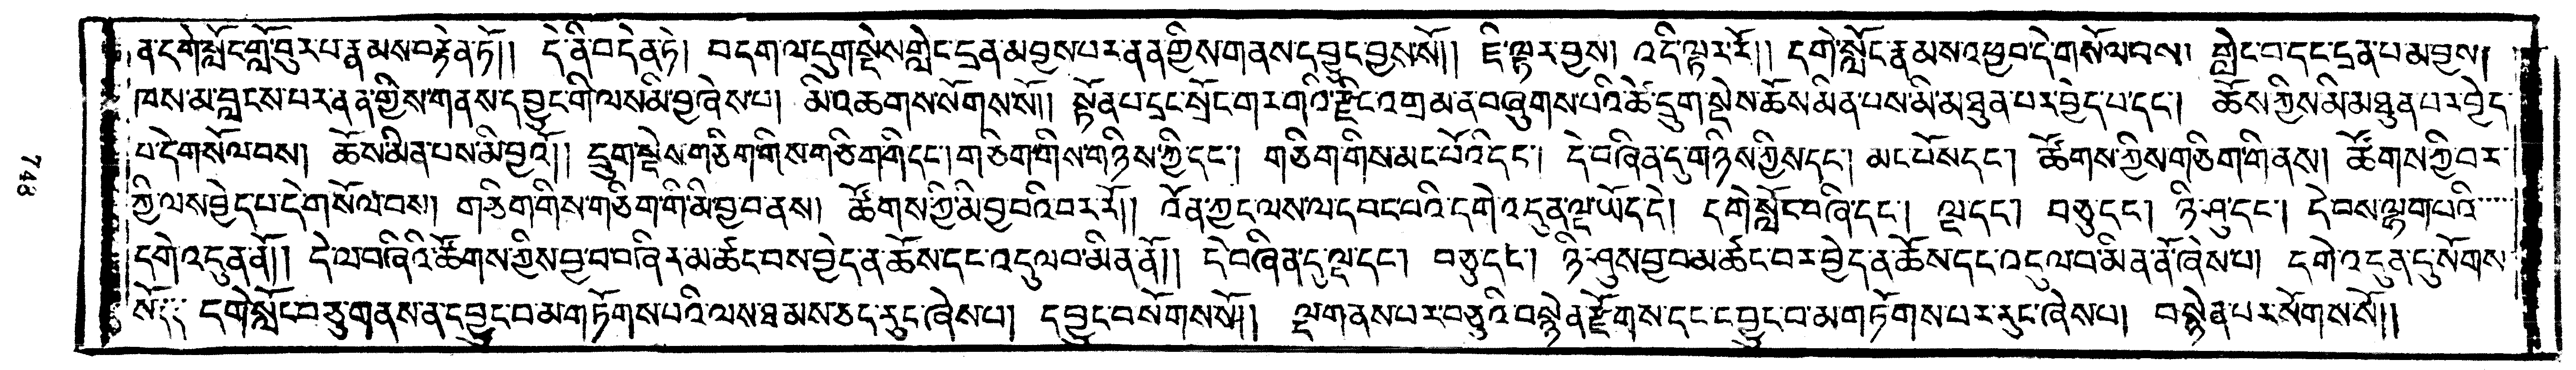ན་དགེ་སློང་གློ་བུར་པ་རྣམས་བརྟེན་ཏོ།། དེ་ནི་བདེན་ཏེ། བདག་ལ་དུག་སྡེས་གླེང་དྲན་མ་བྱས་པར་ནན་གྱིས་གནས་དབྱུང་བྱས་སོ།། ཇི་ལྟར་བྱས། འདི་ལྟར་རོ།། དགེ་སློང་རྣམས་འཕྱ་བ་དེ་གསོལ་བས། གླེང་བ་དང་དྲན་པ་མ་བྱས།
ཁས་མ་བླངས་པར་ནན་གྱིས་གནས་དབྱུང་གི་ལས་མི་བྱ་ཞེས་པ། མི་འཆགས་སོགས་སོ།། སྟོན་པ་དྲང་སྲོང་གར་གའི་རྫིང་འགྲམ་ན་བཞུགས་པའི་ཚེ་དྲུག་སྡེས་ཆོས་མིན་པས་མི་མཐུན་པར་བྱེད་པ་དང་། ཆོས་ཀྱིས་མི་མཐུན་པར་བྱེད་
པ་དེ་གསོལ་བས། ཆོས་མིན་པས་མི་བྱའོ། །དྲུག་སྡེས་གཅིག་གིས་གཅིག་གི་དང་། གཅིག་གིས་གཉིས་ཀྱི་དང་། གཅིག་གིས་མང་པོའི་དང་། དེ་བཞིན་དུ་གཉིས་ཀྱིས་དང་། མང་པོས་དང་། ཚོགས་ཀྱིས་གཅིག་གི་ནས། ཚོགས་ཀྱི་བར་
ཀྱི་ལས་བྱེད་པ་དེ་གསོལ་བས། གཅིག་གིས་གཅིག་གི་མི་བྱ་བ་ནས། ཚོགས་ཀྱི་མི་བྱ་བའི་བར་རོ།། འོན་ཀྱང་ལས་ལ་དབང་པའི་དགེ་འདུན་ལྔ་ཡོད་དེ། དགེ་སློང་བཞི་དང་། ལྔ་དང་། བཅུ་དང་། ཉི་ཤུ་དང་། དེ་བས་ལྷག་པའི་
དགེ་འདུན་ནོ།། དེ་ལ་བཞིའི་ཚོགས་ཀྱིས་བྱ་བ་བཞིར་མ་ཚང་བས་བྱེད་ན་ཆོས་དང་འདུལ་བ་མིན་ནོ།། དེ་བཞིན་དུ་ལྔ་དང་། བཅུ་དང་། ཉི་ཤུས་བྱ་བ་མ་ཚང་བར་བྱེད་ན་ཆོས་དང་འདུལ་བ་མིན་ནོ་ཞེས་པ། དགེ་འདུན་དུ་སོགས་
སོ༑༑ དགེ་སློང་བཅུ་གནས་ན་དབྱུང་བ་མ་གཏོགས་པའི་ལས་ཐམས་ཅད་རུང་ཞེས་པ། དབྱུང་བ་སོགས་སོ།། ལྔ་གནས་པར་བཅུའི་བསྙེན་རྫོགས་དང་དབྱུང་བ་མ་གཏོགས་པར་རུང་ཞེས་པ། བསྙེན་པར་སོགས་སོ།།